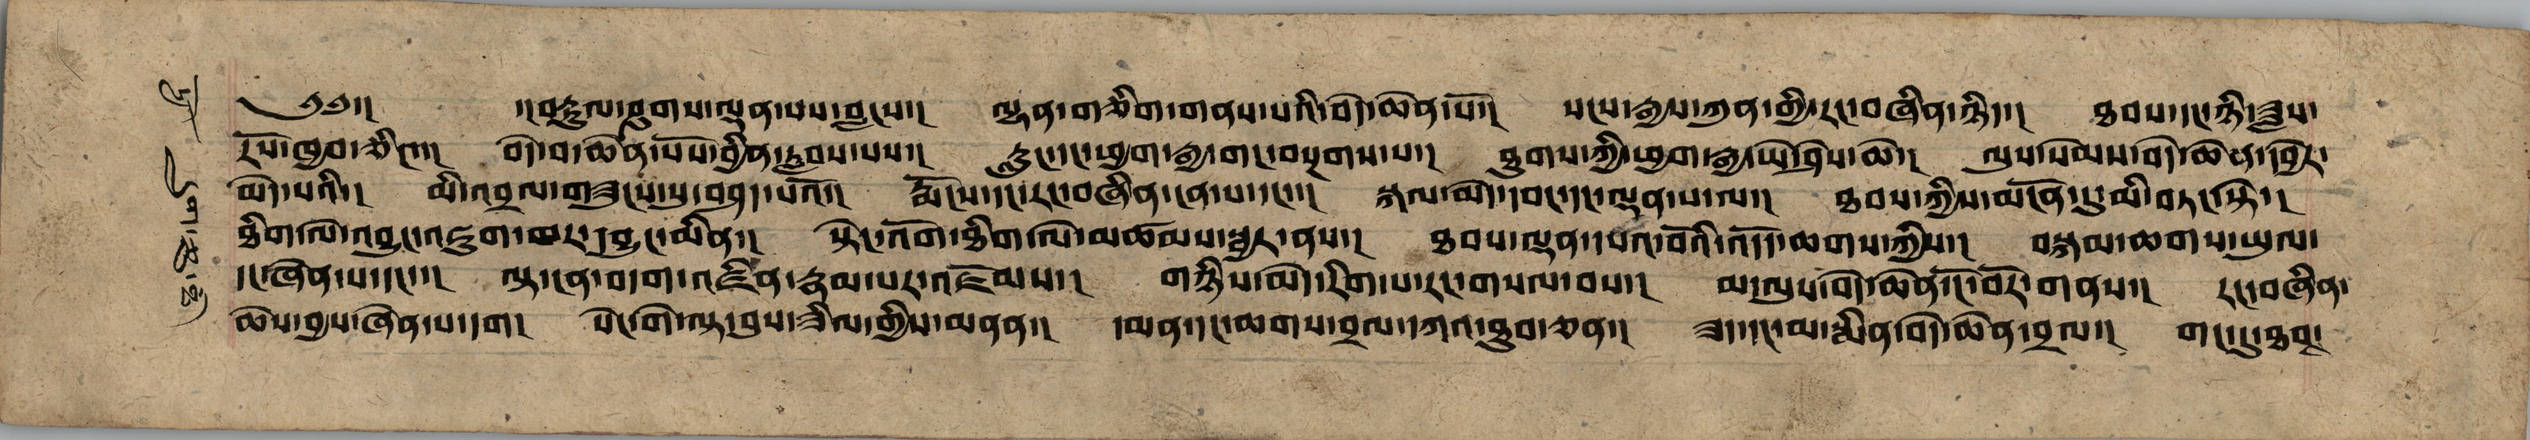༄༅་། བརྟུལ་ཤུགས་ལྡན་པས་བླངས་། ལྷན་གཅིག་གནས་པའི་བདེ་ཆེན་པོ་། སངས་རྒྱས་ཀུན་གྱི་རང་བཞིན་ཉིད་། ཐབས་དང་ཉི་ཟླས་
རོས་ཁྱབ་ཅིང་་། བདེ་བ་ཆེན་པོས་བྱིན་རླབས་པས་། རླུང་དང་ཕྱག་རྒྱ་གང་བསྔགས་པ་། ཐུགས་ཀྱི་ཕྱག་རྒྱ་ཡེ་ཤེས་ཆེ་། ལུས་སེམས་བདེ་ཆེན་དབྱེར་
མེད་པའི་། མི་འབྲལ་གཟུངས་སུ་བཤད་པའོ་། རྨོངས་དང་རང་བཞིན་ངན་པ་དང་་། སྐལ་མེད་དབང་དང་ལྡན་པ་ལ་། ཐབས་ཀྱིས་མངོན་དུ་མི་བཏང་སྟེ་།
ཐིག་ལེ་འབྱུང་འཇུག་ཁར་དབྱུང་མིན་། སྟེང་འོག་ཐིག་ལེ་མཚམས་སྦྱར་ནས་། ཐབས་ལྡན་དཔའ་བོའི་འདོད་ཆགས་ཀྱིས་། བསྐམ་ཆགས་ཡུལ་
དང་ཞེན་པ་དང་་། ལྟ་ངན་བདག་འཛིན་རྣམ་པར་འཇོམས་། གཉིས་མེད་རིག་པ་རང་གསལ་བས་། མ་ལུས་བདེ་ཆེན་ངོ་བོར་གནས་། རང་བཞིན་
ཆེས་བྱས་ཞེན་པ་དག། སེང་གེ་ལྟ་བུས་ཟིལ་གྱིས་མནན་། དམན་དང་ཆགས་བྲལ་དཀའ་ཐུབ་ཅན་། ཟད་དང་མ་སྨིན་བདེ་ཆེན་བྲལ་། གང་དུ་ཐབས་